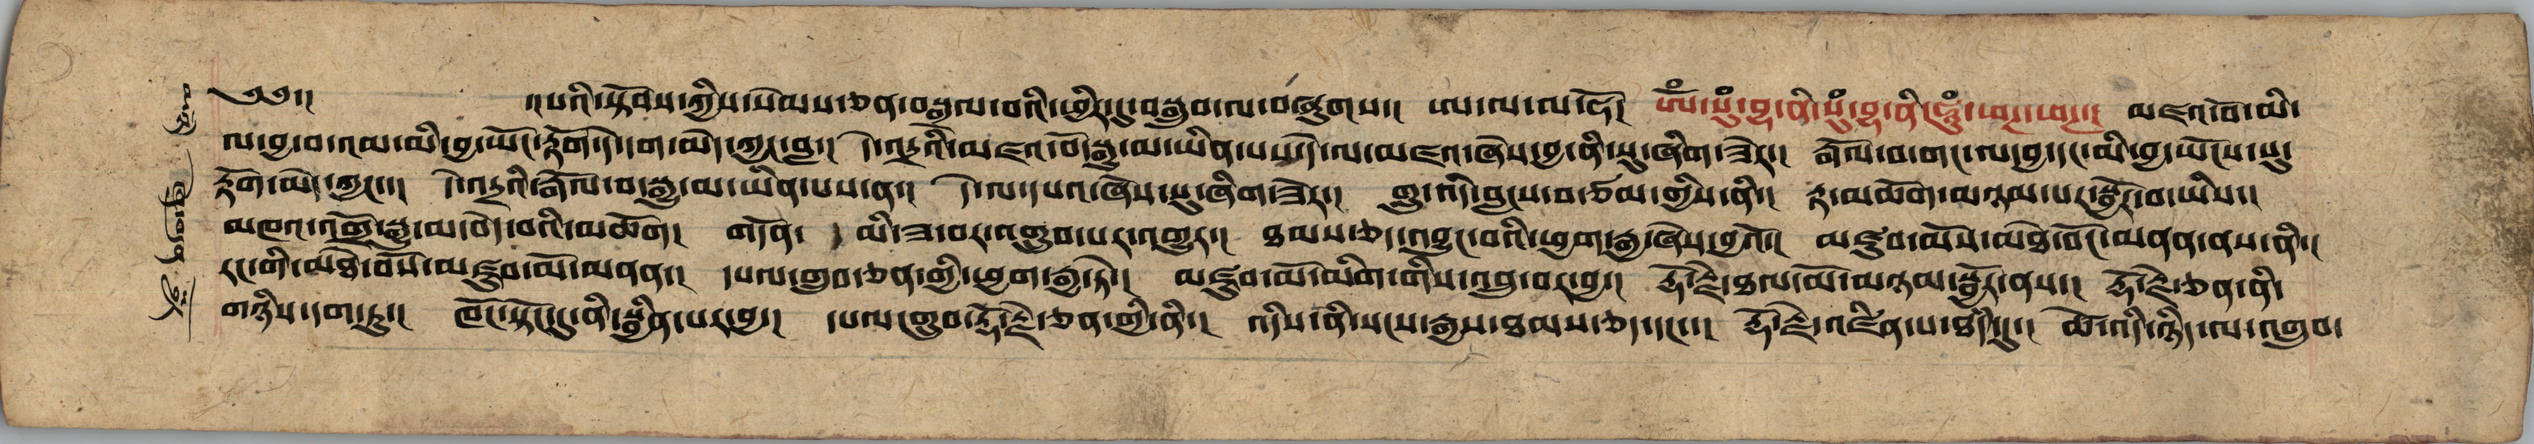༄༅་། ་།པའི་སྟོབས་ཀྱིས་སེམས་ཅན་བསྒྲལ་བའི་ཕྱིར་དུ་བསྒྲུབ་ལ་བཞུགས་། ཨ་ལ་ལ་ཧོ། ཨོཾ་སུཾ་བྷ་ནི་སུཾ་བྷ་ནི་ཧཱུཾ་ཕཊ་ཕཊ་། མཛའ་བོ་མི་
ལ་བྱ་བ་འམ་མི་བྱ་ཡོང་རྟོག་དེ་དག་མེད་ཀྱང་བླ་། དེ་འདྲའི་མཛའ་བོ་སྒྱུ་མ་ཡིན་པས་དེ་ལ་མཛའ་ཞེས་བྱ་ནི་སུ་ཞིག་ཟེར་། རྒོལ་བ་གང་ལ་བྱ་དང་མི་བྱ་ཡོངས་སུ་
རྟོག་མེད་ཀྱང་་། དེ་འདྲའི་རྒོལ་བ་སྒྱུ་མ་ཡིན་པས་ན་། དེ་ལ་དཔའ་ཞེས་སུ་ཞིག་ཟེར་། གླུ་འདི་བླངས་བ་ཙམ་གྱིས་ནི་། རྟ་མཆོག་མཉམ་པར་སྦྱོར་བ་ཡིས་།
མཁའ་འགྲོ་སྒྱུ་མ་བདེ་བའི་མཆོག། གདོན་ མི་ཟ་བར་འགྲུབ་པར་འགྱུར་། ཐམས་ཅད་འབྱུང་བའི་ཕྱག་རྒྱ་ཞེས་བྱའོ་། མཛུབ་མོས་མཐེ་བོང་མནན་ནས་ནི་།
རང་གི་མཐེ་བོས་མཛུབ་མོ་མནན་། དཔལ་གྲུབ་ཅན་གྱི་ཕྱག་རྒྱ་ཏེ་། མཛུབ་མོ་མིག་གིས་འབྲུ་བར་བྱ་། རྡོ་རྗེ་ཐལ་མོ་མཉམ་སྦྱོར་ནས་། རྡོ་རྗེ་ཅན་ནི་
གཉིས་དག་ཏུ་། ཁོང་སྟོང་དུ་ནི་སྦྱིན་པར་བྱ་། དཔལ་གྲུབ་རྡོ་རྗེ་ཅན་གྱི་ནི་། འདིས་ནི་སངས་རྒྱས་ཐམས་ཅད་དང་་། རྡོ་རྗེ་འཛིན་པ་ཐདཾ་དུ་། ཚེ་འདི་ཉིད་ལ་འགྲུབ་